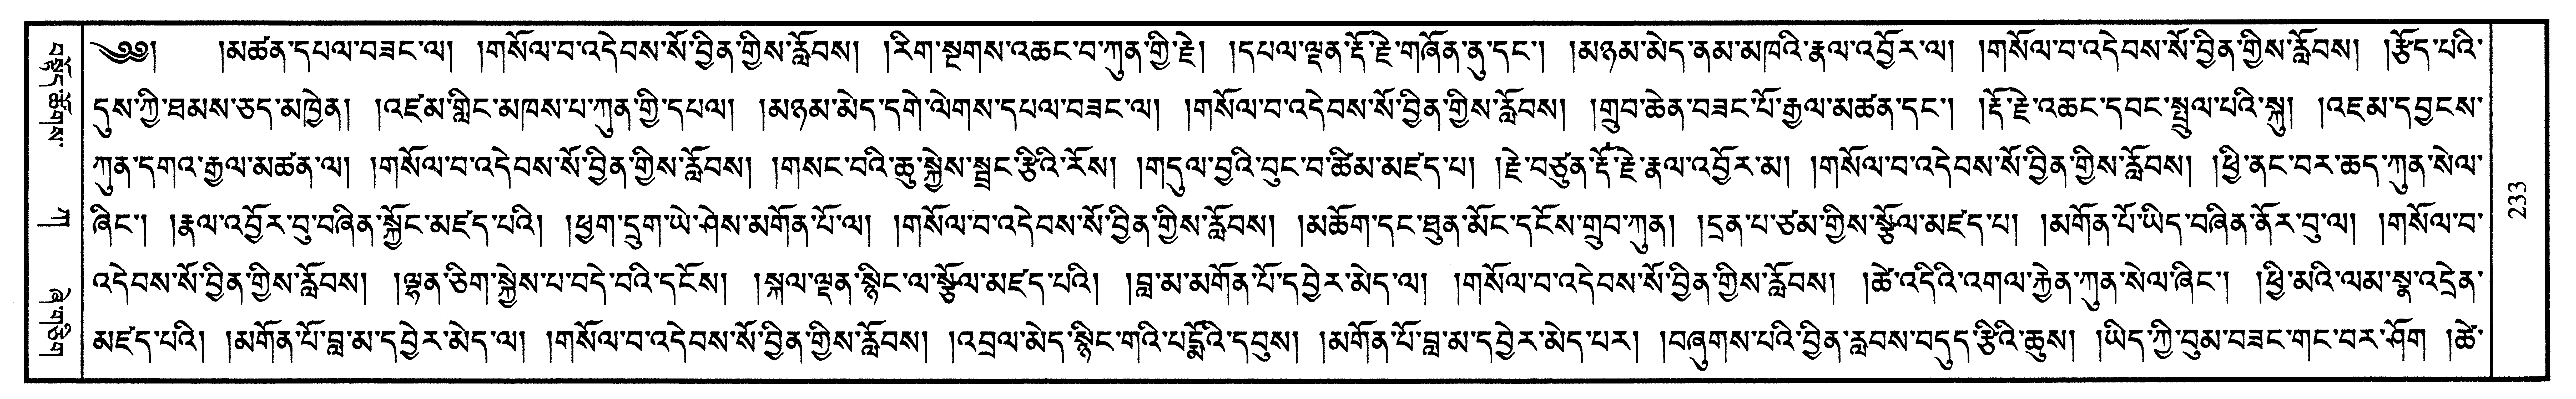༄༅། །མཚན་དཔལ་བཟང་ལ། །གསོལ་བ་འདེབས་སོ་བྱིན་གྱིས་རློབས། །རིག་སྔགས་འཆང་བ་ཀུན་གྱི་རྗེ། །དཔལ་ལྡན་རྡོ་རྗེ་གཞོན་ནུ་དང་། །མཉམ་མེད་ནམ་མཁའི་རྣལ་འབྱོར་ལ། །གསོལ་བ་འདེབས་སོ་བྱིན་གྱིས་རློབས། །རྩོད་པའི་
དུས་ཀྱི་ཐམས་ཅད་མཁྱེན། །འཛམ་གླིང་མཁས་པ་ཀུན་གྱི་དཔལ། །མཉམ་མེད་དགེ་ལེགས་དཔལ་བཟང་ལ། །གསོལ་བ་འདེབས་སོ་བྱིན་གྱིས་རློབས། །གྲུབ་ཆེན་བཟང་པོ་རྒྱལ་མཚན་དང་། །རྡོ་རྗེ་འཆང་དབང་སྤྲུལ་པའི་སྐུ། །འཇམ་དབྱངས་
ཀུན་དགའ་རྒྱལ་མཚན་ལ། །གསོལ་བ་འདེབས་སོ་བྱིན་གྱིས་རློབས། །གསང་བའི་ཆུ་སྐྱེས་སྦྲང་རྩིའི་རོས། །གདུལ་བྱའི་བུང་བ་ཚིམ་མཛད་པ། །རྗེ་བཙུན་རྡོ་རྗེ་རྣལ་འབྱོར་མ། །གསོལ་བ་འདེབས་སོ་བྱིན་གྱིས་རློབས། །ཕྱི་ནང་བར་ཆད་ཀུན་སེལ་
ཞིང་། །རྣལ་འབྱོར་བུ་བཞིན་སྐྱོང་མཛད་པའི། །ཕྱག་དྲུག་ཡེ་ཤེས་མགོན་པོ་ལ། །གསོལ་བ་འདེབས་སོ་བྱིན་གྱིས་རློབས། །མཆོག་དང་ཐུན་མོང་དངོས་གྲུབ་ཀུན། །དྲན་པ་ཙམ་གྱིས་སྩོལ་མཛད་པ། །མགོན་པོ་ཡིད་བཞིན་ནོར་བུ་ལ། །གསོལ་བ་
འདེབས་སོ་བྱིན་གྱིས་རློབས། །ལྷན་ཅིག་སྐྱེས་པ་བདེ་བའི་དངོས། །སྐལ་ལྡན་སྙིང་ལ་སྩོལ་མཛད་པའི། །བླ་མ་མགོན་པོ་དབྱེར་མེད་ལ། །གསོལ་བ་འདེབས་སོ་བྱིན་གྱིས་རློབས། །ཚེ་འདིའི་འགལ་རྐྱེན་ཀུན་སེལ་ཞིང་། །ཕྱི་མའི་ལམ་སྣ་འདྲེན་
མཛད་པའི། །མགོན་པོ་བླ་མ་དབྱེར་མེད་ལ། །གསོལ་བ་འདེབས་སོ་བྱིན་གྱིས་རློབས། །འབྲལ་མེད་སྙིང་གའི་པདམོའི་དབུས། །མགོན་པོ་བླ་མ་དབྱེར་མེད་པར། །བཞུགས་པའི་བྱིན་རླབས་བདུད་རྩིའི་ཆུས། །ཡིད་ཀྱི་བུམ་བཟང་གང་བར་ཤོག །ཚེ་